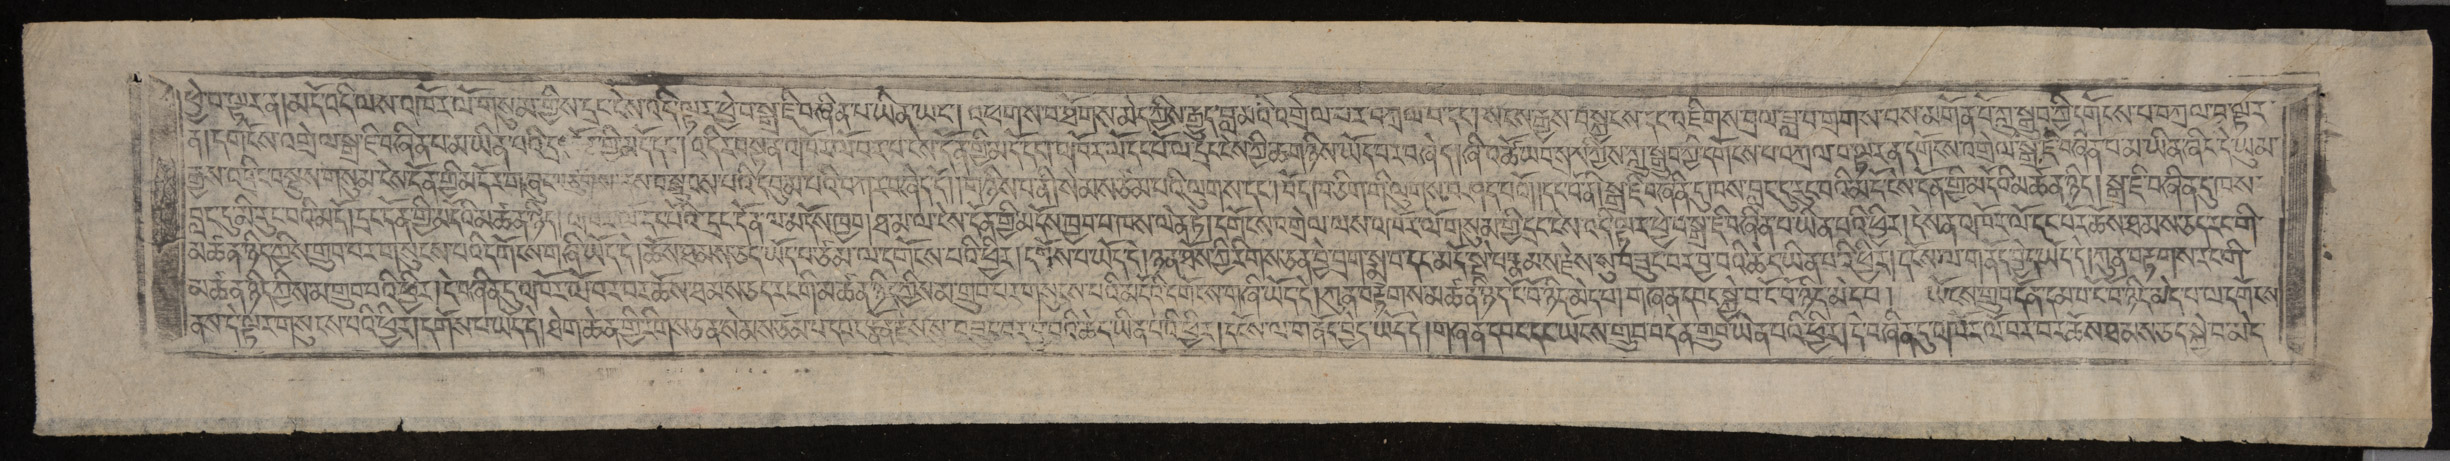ཕྱེ་བ་ལྟར་ན། མདོ་འདི་ལས་འཁོར་ལོ་གསུམ་གྱིས་དྲང་ངེས་འདི་ལྟར་ཕྱེ་བ་སྒྲ་ཇི་བཞིན་པ་ཡིན་ཡང་། འཕགས་པ་ཐོགས་མེད་ཀྱིས་རྒྱུད་བླ་མའི་འགྲེལ་པར་བཀྲལ་བ་དང་། སངས་རྒྱས་བསྐྱངས་དང་འཇིགས་བྲལ་ཟླ་བ་གྲགས་པས་མགོན་པོ་ཀླུ་སྒྲུབ་ཀྱི་དགོངས་པ་བཀྲལ་བ་ལྟར་
ན། དགོངས་འགྲེལ་སྒྲ་ཇི་བཞིན་པ་མ་ཡིན་པའི་དྲང་དོན་གྱི་མདོ་དང་། འདིར་བསྟན་འཁོར་ལོ་བར་པ་ངེས་དོན་གྱི་མདོ་དག་འཁོར་ལོ་དང་པོ་ལ་དྲང་ངེས་ཀྱི་ཆ་གཉིས་ཡོད་པར་བཞེད། ཞི་འཚོ་ཡབ་སྲས་ཀྱིས་ཀླུ་སྒྲུབ་ཀྱི་དགོངས་པ་བཀྲལ་བ་ལྟར་ན་དགོངས་འགྲེལ་སྒྲ་ཇི་བཞིན་པ་མ་ཡིན་ཞིང་དེ་ཡུམ་
རྒྱས་འབྲིང་བསྡུས་གསུམ་ངེས་དོན་གྱི་མདོར་གཞུང་བཙུགས་ནས་བསྒྲུབས་པའི་དབུ་མ་པའི་བཀར་བཞེད་དོ། །གཉིས་པ་ནི། སེམས་ཙམ་པའི་ལུགས་དང་། བོད་ཁ་ཅིག་གི་ལུགས་བཤད་པའོ། །དང་པོ་ནི། སྒྲ་ཇི་བཞིན་དུ་ཁས་བླང་དུ་རུང་བའི་མདོ་ངེས་དོན་གྱི་མདོའི་མཚན་ཉིད། སྒྲ་ཇི་བཞིན་དུ་ཁས་
བླང་དུ་མི་རུང་བའི་མདོ། དྲང་དོན་གྱི་མདོའི་མཚན་ཉིད། འཁོར་ལོ་དང་པོ་ལ་དྲང་དོན་གྱི་མདོས་ཁྱབ། ཐ་མ་ལ་ངེས་དོན་གྱི་མདོས་ཁྱབ་པ་ཁས་ལེན་ཏེ། དགོངས་འགྲེལ་ལས་འཁོར་ལོ་གསུམ་གྱི་དྲང་ངེས་འདི་ལྟར་ཕྱེ་བ་སྒྲ་ཇི་བཞིན་པ་ཡིན་པའི་ཕྱིར། དེས་ན་འཁོར་ལོ་དང་པོར་ཆོས་ཐམས་ཅད་རང་གི་
མཚན་ཉིད་ཀྱིས་གྲུབ་པར་གསུངས་པའི་དགོངས་གཞི་ཡོད་དེ། ཆོས་ཐམས་ཅད་ཡོད་པ་ཙམ་ལ་དགོངས་པའི་ཕྱིར། དགོས་པ་ཡོད་དེ། ཉན་ཐོས་ཀྱི་རིགས་ཅན་བྱེ་བྲག་སྨྲ་བ་དང་མདོ་སྡེ་པ་རྣམས་རྗེས་སུ་བཟུང་བར་བྱ་བའི་ཆེད་ཡིན་པའི་ཕྱིར། དངོས་ལ་གནོན་བྱེད་ཡོད་དེ། ཀུན་བརྟགས་རང་གི་
མཚན་ཉིད་ཀྱིས་མ་གྲུབ་པའི་ཕྱིར། དེ་བཞིན་དུ་འཁོར་ལོ་བར་པར་ཆོས་ཐམས་ཅད་རང་གི་མཚན་ཉིད་ཀྱིས་མ་གྲུབ་པར་གསུངས་པའི་མདོའི་དགོངས་གཞི་ཡོད་དེ། ཀུན་བརྟགས་མཚན་ཉིད་ངོ་བོ་ཉིད་མེད་པ། གཞན་དབང་སྐྱེ་བ་ངོ་བོ་ཉིད་མེད་པ། ཡོངས་གྲུབ་དོན་དམ་པ་ངོ་བོ་ཉིད་མེད་པ་ལ་དགོངས་
ནས་དེ་ལྟར་གསུངས་པའི་ཕྱིར། དགོས་པ་ཡོད་དེ། ཐེག་ཆེན་གྱི་རིགས་ཅན་སེམས་ཙམ་པ་དབང་རྣོན་རྗེས་སུ་བཟུང་བར་བྱ་བའི་ཆེད་ཡིན་པའི་ཕྱིར། དངོས་ལ་གནོད་བྱེད་ཡོད་དེ། གཞན་དབང་དང་ཡོངས་གྲུབ་བདེན་གྲུབ་ཡིན་པའི་ཕྱིར། དེ་བཞིན་དུ་འཁོར་ལོ་བར་པར་ཆོས་ཐམས་ཅད་སྐྱེ་བ་མེད་